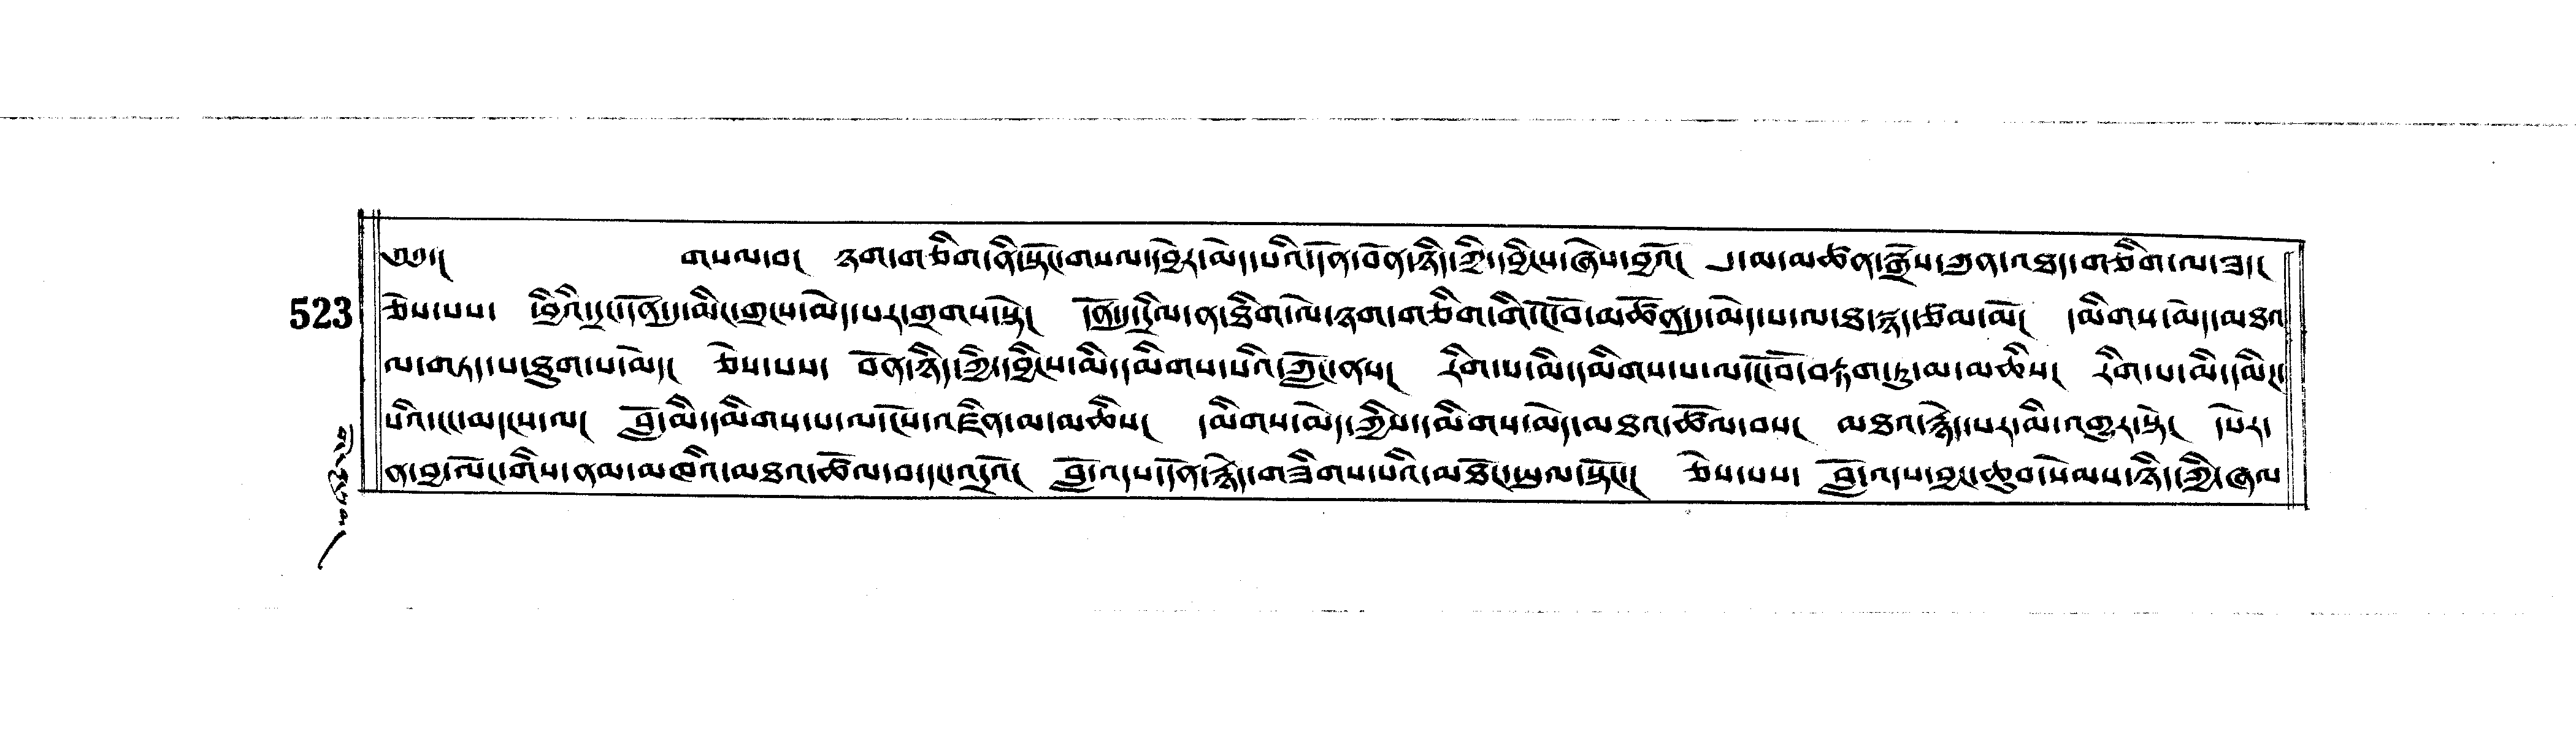གསལ་བ། ཉག་གཅིག་ནི་སྟོང་གསལ་དབྱེར་མེད་པའི་དོན་བོན་ཉིད་ཀྱི་དབྱིངས་ཞེས་བྱའོ། དུ་མ་མཚན་སྒྲོས་ཀུན་འཐད་གཅིག་ལ་ཟད། 
ཅེས་པས། ཕྱི་ཡི་དྲང་དོན་དུ་མིང་གྲངས་མེད་པར་གྲགས་ཏེ། དོན་དུ་དྲིལ་ན་ཐིག་ལེ་ཉག་གཅིག་གི་ངོ་བོ་མཚོན་དུ་མེད་པ་ལ་ཐ་སྙད་ཙམ་མོ། དམིགས་མེད་མཐའ་
ལ་གཏད་པ་ཐུག་པ་མེད། ཅེས་པས། བོན་ཉིད་ཀྱི་དབྱིངས་མི་དམིགས་པའི་ཀློང་ནས། རིག་པ་མི་དམིགས་པ་ལ་ངོ་བོ་བརྟག་ཏུ་མ་མཆིས། རིག་པ་མི་དམིགས་
པའི་ངང་མདངས་ལ། བློ་མི་དམིགས་པ་ལ་ངོས་འཛིན་མ་མཆིས། དམིགས་མེད་ཀྱིས་དམིགས་མེད་མཐའ་ཚོལ་བས། མཐའ་རྙེད་པར་མི་འགྱུར་ཏེ། དཔེར་
ན། བྱ་ལོང་གིས་ནམ་མཁའི་མཐའ་ཚོལ་བ་དང་འདྲའོ། བློ་འདས་དོན་རྙེད་གཟིགས་པའི་མཐོང་ཡུལ་སྟོང་། ཅེས་པས། བློ་འདས་བྱང་ཆུབ་སེམས་ཉིད་ཀྱི་ཞལ་